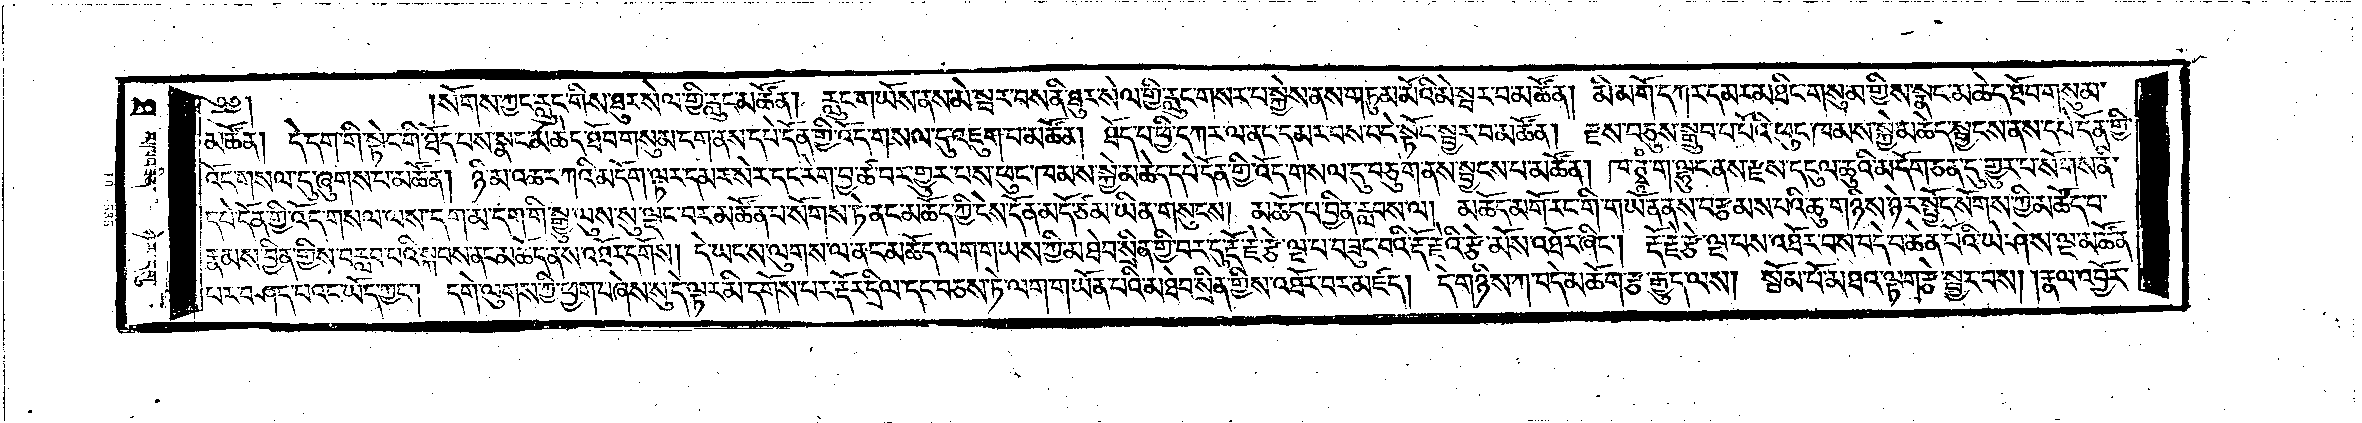༄༅། །སོགས་ཀྱང་རླུང་གིས་ཐུར་སེལ་གྱི་རླུང་མཚོན། རླུང་གཡོས་ནས་མེ་སྦར་བས་ནི་ཐུར་སེལ་གྱི་རླུང་གསར་པ་སྐྱེས་ནས་གཏུམ་མོའི་མེ་སྦར་བ་མཚོན། མི་མགོ་དཀར་དམར་མཐིང་གསུམ་གྱིས་སྣང་མཆེད་ཐོབ་གསུམ་
མཚོན། དེ་དག་གི་སྟེང་གི་ཐོད་བས་སྣང་མཆེད་ཐོབ་གསུམ་དག་ནས་དཔེ་དོན་གྱི་འོད་གསལ་དུ་འཇུག་པ་མཚོན། ཐོད་པ་ཕྱི་དཀར་ལ་ནང་དམར་བས་བདེ་སྟོང་སྦྱར་བ་མཚོན། རྫས་བཅུས་སྒྲུབ་པ་པོའི་ཕུང་ཁམས་སྐྱེ་མཆེད་སྦྱངས་ནས་དཔེ་དོན་གྱི་
འོད་གསལ་དུ་ཞུགས་པ་མཚོན། ཉི་མ་འཆར་ཀའི་མདོག་ལྟར་དམར་སེར་དང་རེག་བྱ་ཚ་བར་གྱུར་པས་ཕུང་ཁམས་སྐྱེ་མཆེད་དཔེ་དོན་གྱི་འོད་གསལ་དུ་བཅུག་ནས་སྦྱངས་པ་མཚོན། ཁ་ཊཝའཾ་ག་ལྷུང་ནས་རྫས་དངུལ་ཆུའི་མདོག་ཅན་དུ་གྱུར་པ་སོགས་ནི་
དཔེ་དོན་གྱི་འོད་གསལ་ལས་དག་མ་ངག་གི་སྒྱ་ལུས་སུ་ལྡང་བར་མཚོན་པ་སོགས་ཏེ་ནང་མཆོད་ཀྱི་ངེས་དོན་མདོ་ཙམ་ཡིན་གསུངས། མཆོད་པ་བྱིན་རླབས་ལ། མཆོད་མགོ་རང་གི་གཡོན་ནས་བརྩམས་པའི་ཆུ་གཉིས་ཉེར་སྦྱོང་སོགས་ཀྱི་མཆོད་པ་
རྣམས་བྱིན་གྱིས་བརླབ་པའི་སྐབས་ནང་མཆོད་ནས་འཐོར་དགོས། དེ་ཡང་ས་ལུགས་ལ་ནང་མཆོད་ལག་གཡས་ཀྱི་མཐེབ་སྲིན་གྱི་བར་དུ་རྡོ་རྗེ་རྩེ་ལྔ་པ་བཟུང་བའི་རྡོ་རྗེའི་རྩེ་མོས་འཐོར་ཞིང་། རྡོ་རྗེ་རྩེ་ལྔ་པས་འཐོར་བས་བདེ་བ་ཆེན་པེའི་ཡེ་ཤེས་ལྔ་མཚོན་
པར་བཤད་པའང་ཡོད་ཀྱང་། དགེ་ལུགས་ཀྱི་ཕྱག་བཞེས་སུ་དེ་ལྟར་མི་དགོས་པར་རྡོར་དྲིལ་དང་བཅས་ཏེ་ལག་གཡོན་པའི་མཐེབ་སྲིན་གྱིས་འཐོར་བར་མཛད། དེ་གཉིས་ཀ་བདེ་མཆོག་རྩ་རྒྱུད་ལས། སྦོམ་བོ་མཐའ་ལྟག་རྩེ་སྦྱར་བས། །རྣལ་འབྱོར་